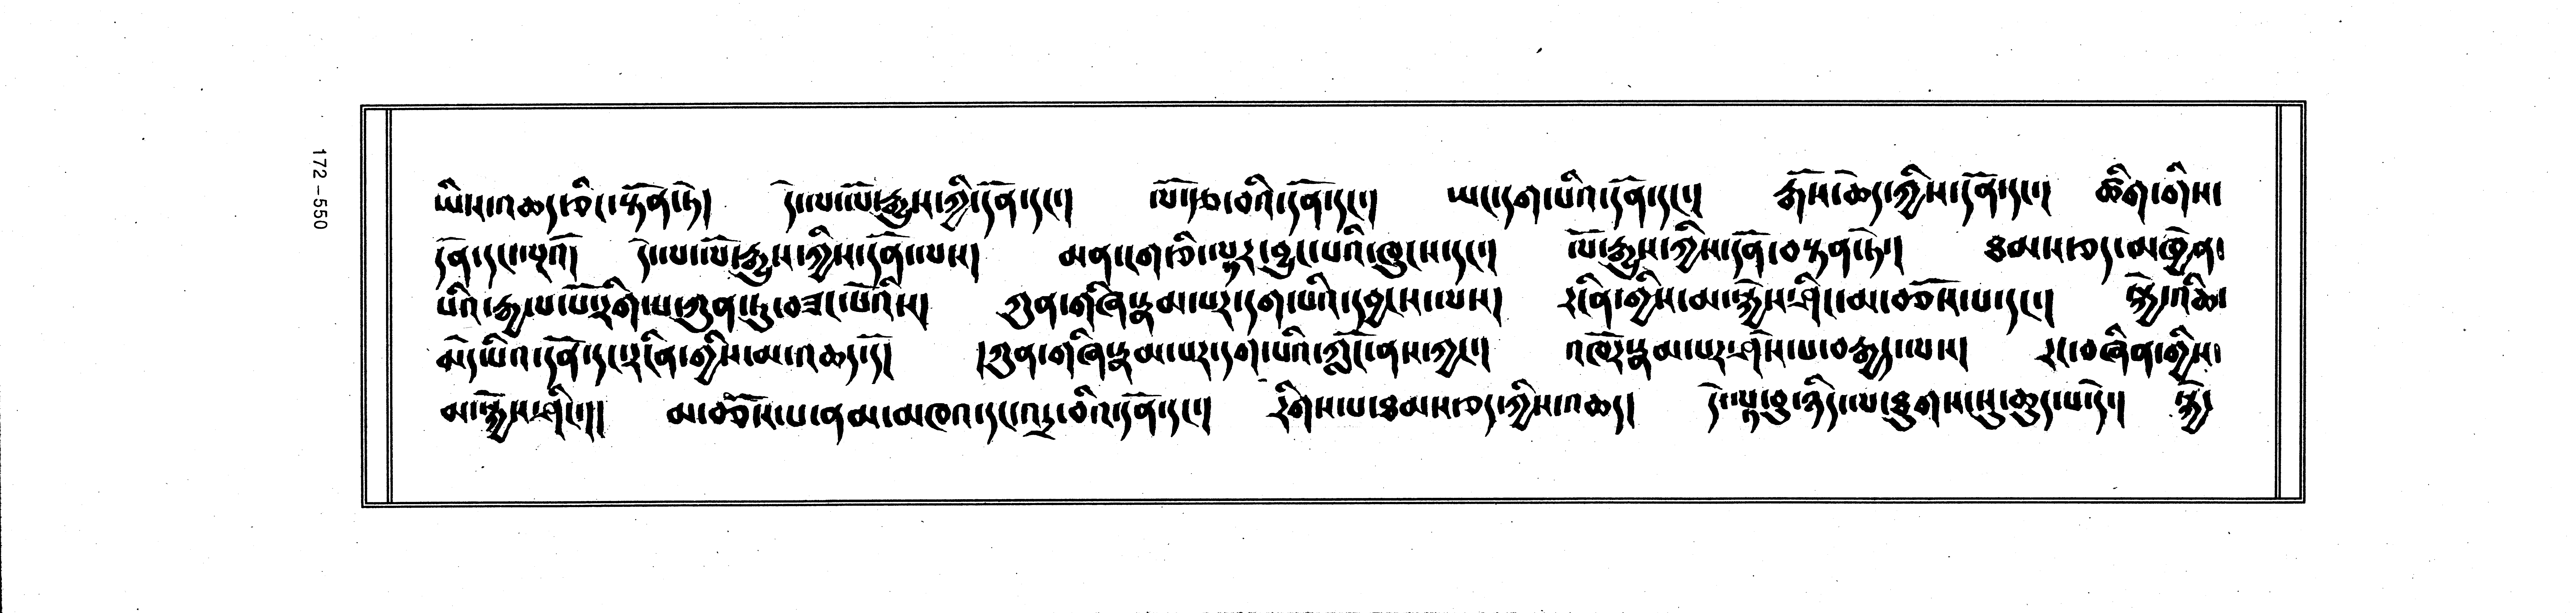ཡིས་འཆད་ཅིང་སྟོན་ཏེ། དེ་ལ་ལོ་རྒྱུས་ཀྱི་དོན་དང་། ལོ་རྩ་བའི་དོན་དང་། ཡང་དག་པའི་དོན་དང་། དགོས་ས་ཆེད་ཀྱིས་དོན་དང་། ཚིག་གིས་
དོན་དང་ལྔའོ། དེ་ལ་ལོ་རྒྱུས་ཀྱིས་དོན་ལས། མན་ངག་ཅི་ལྟར་བྱུང་པའི་ཁུངས་དང་། ལོ་རྒྱུས་ཀྱིས་དོན་བསྟན་ཏེ། ཐམས་ཅད་མཁྱེན་
པའི་རྒྱལ་པོ་རིག་པ་ཀུན་ཏུ་བཟང་པོའིས། ཀུན་གཞི་རྣམ་པར་དག་པའི་དབྱངས་ལས། རང་བཞིན་གྱིས་མ་སྐྱེས་ཤིང་མ་བཅོས་པ་དང་། སྐྱེ་འཆི་
མེད་པའི་དོན་དང་རང་བཞིན་གྱིས་མ་འཆད་དོ། ཀུན་གཞི་རྣམ་པར་དག་པའི་ཀློང་ནས་ཀྱང་། འཁོར་རྣམ་པར་ཤེས་པ་བརྒྱད་ལས། རང་བཞིན་གྱིས་
མ་སྐྱེས་ཤིང་། མ་བཅོས་པ་ནམ་མཁའ་དང་འདྲ་བའི་དོན་དང་། རིག་པ་ཐམས་ཅད་ཀྱིས་འཆད། དེ་ལྟ་བུ་ཉིད་ལ་ཐུགས་སུ་ཆུད་པ་དེ། སྐྱེ་